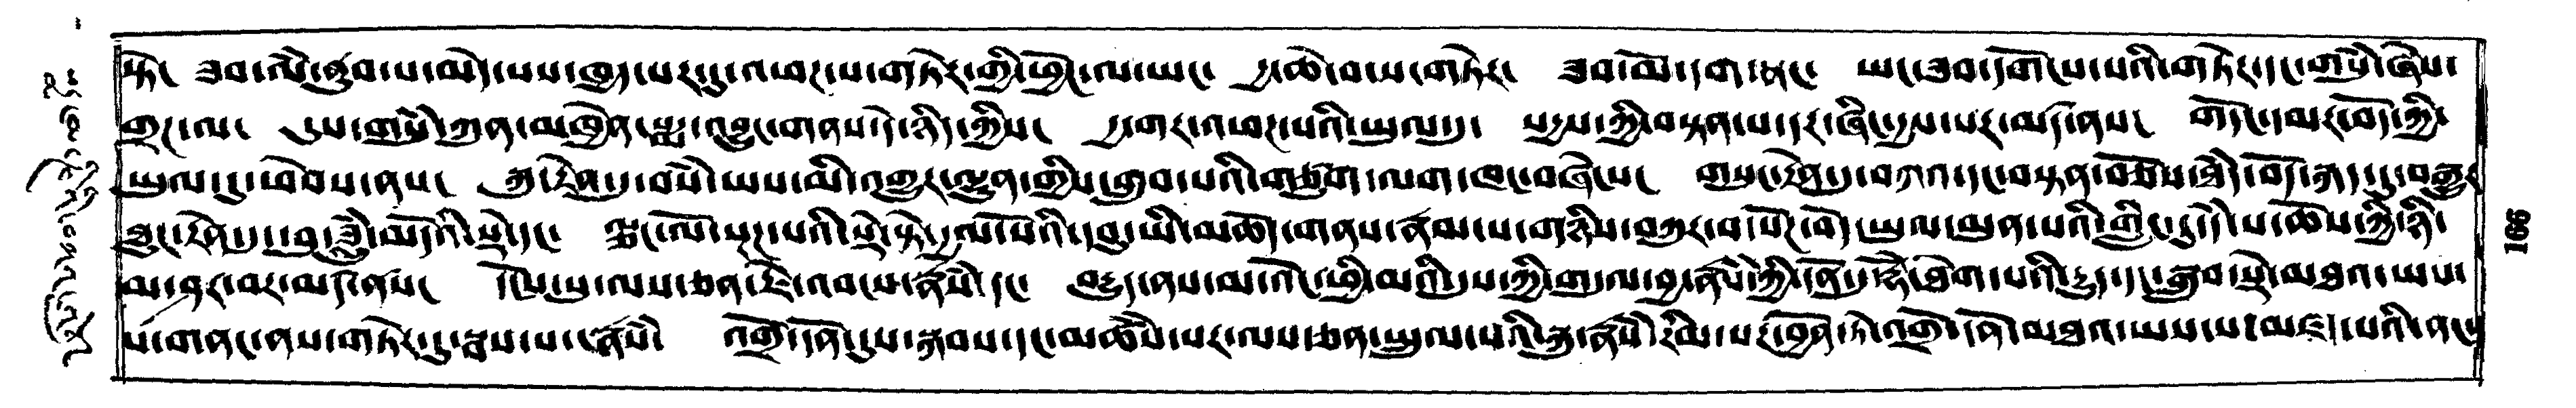སྟེ། ཟབ་ལམ་ནུབ་པ་མེད་པས་ཁྱད་པར་དུ་འཕགས་པ་གཏེར་གྱི་ཕྱོགས་ལ་ཡང་། རྒྱ་ཆེ་བ་ས་གཏེར། ཟབ་མོ་དག་སྣང་། ཡང་ཟབ་དགོངས་པའི་གཏེར་དང་གསུམ་ཞེས་
གྲགས་ལ། དུས་གསུམ་ཀུན་མཁྱེན་པདྨ་འབྱུང་གནས་དེ་ཉིད་ཀྱིས། རྒྱ་གར་འཕགས་པའི་ཡུལ་དུ་སངས་རྒྱས་ཀྱི་བསྟན་པ་དར་ཞིང་རྒྱས་པར་མཛད་ནས། གདོང་དམར་བོད་ཀྱི་
ཡུལ་དུ་ཕེབས་ནས། སྐུ་རྟེན་དུ་བསམ་ཡས་མི་འགྱུར་ལྷུན་གྱིས་གྲུབ་པའི་གཙུག་ལག་ཁང་བཞེངས། གསུང་རྟེན་དུ་བཀའ་དང་བསྟན་བཅོས་ཐམས་ཅད་བོད་སྐད་དུ་བསྒྱུར་
ཐུགས་རྟེན་དུ་དབུ་ཟླུམ་མདོའི་སྡེ་དང་། ལྕང་ལོ་སྔགས་པའི་སྡེ་སྟེ་རྒྱལ་པོའི་དབུའི་མཆོད་གནས་རྣམ་པ་གཉིས་བཀུར་བ་སོགས་བོད་ཡུལ་མུན་པའི་གླིང་དུ་དམ་པའི་ཆོས་ཀྱི་ཉི་
མ་ཤར་བར་མཛད་ནས། དངོས་སུ་ལས་ཅན་རྗེ་འབངས་རྣམས་དང་། བརྒྱུད་ནས་མ་འོངས་ཕྱི་མའི་དུས་ཀྱི་གདུལ་བྱ་རྣམས་ཀྱི་དོན་དུ་རྡོ་རྗེ་ཐེག་པའི་རྒྱུད་དང་སྒྲུབ་སྡེ་མཐའ་ཡས་
པ་གནང་ནས་གཏེར་དུ་སྦས་པ་རྣམས། འགྲོ་དོན་དུས་སྐབས་དང་འཚམས་པར་ལས་ཅན་སྤྲུལ་པའི་སྐུ་རྣམས་རིམ་པར་བྱོན་ཏེ་འགྲོ་དོན་མཐའ་ཡས་པ་མཛད་པའི་ནང་